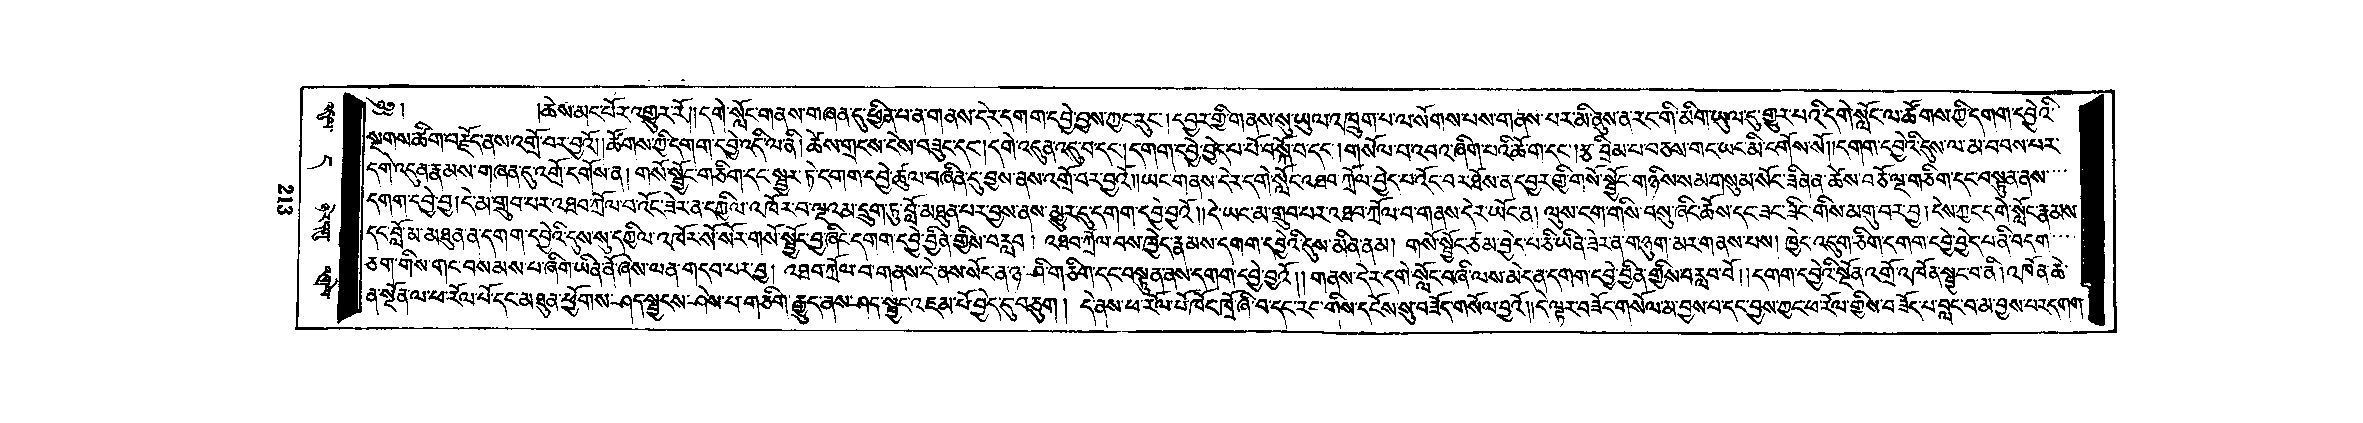༄༅། །ཆེས་མང་པོར་འགྱུར་རོ། །དགེ་སློང་གནས་གཞན་དུ་ཕྱིན་པ་ན་གནས་དེར་དགག་དབྱེ་བྱས་ཀྱང་རུང་། དབྱར་གྱི་གནས་སུ་ཡུལ་འཁྲུག་པ་ལ་སོགས་པས་གནས་པར་མི་ནུས་ན་རང་གི་མིག་ཡུལ་དུ་གྱུར་པའི་དགེ་སློང་ལ་ཚོགས་ཀྱི་དགག་དབྱེའི་
སྔགས་ཚིག་བརྗོད་ནས་འགྲོ་བར་བྱའོ། །ཚོགས་ཀྱི་དགག་དབྱེ་འདི་ལ་ནི། ཚེས་གྲངས་ངེས་བཟུང་དང་། དགེ་འདུན་འདུ་བ་དང་། དགག་དབྱེ་བྱེད་པ་པོ་བསྐོ་བ་དང་། གསོལ་བ་འབའ་ཞིག་པའི་ཆོ་ག་དང་། རྩ་བྲིམ་པ་བཅས་གང་ཡང་མི་དགོས་སོ། །དགག་དབྱེའི་དུས་ལ་མ་བབས་པར་
དགེ་འདུན་རྣམས་གཞན་དུ་འགྲོ་དགོས་ན། གསོ་སྦྱོང་གཅིག་དང་སྦྱར་ཏེ་དགག་དབྱེ་ཚུལ་བཞིན་དུ་བྱས་ནས་འགྲོ་བར་བྱའོ། །ཡང་གནས་དེར་དགེ་སློང་འཐབ་ཀྲོལ་བྱེད་པ་འོང་བར་ཐོས་ན་དབྱར་གྱི་གསོ་སྦྱོང་གཉིས་སམ་གསུམ་སོང་ཟིན་ན་ཚེས་བཅོ་ལྔ་གཅིག་དང་བསྟུན་ནས་
དགག་དབྱེ་བྱ། དེ་མ་གྲུབ་པར་འཐབ་ཀྲོལ་བ་འོད་ཟེར་ན་དཀྱིལ་འཁོར་བ་ལྔའམ་དྲུག་ཏུ་བློ་མཐུན་པར་བྱས་ནས་མྱུར་དུ་དགག་དབྱེ་བྱའོ། །དེ་ཡང་མ་གྲུབ་པར་འཐབ་ཀྲོལ་བ་གནས་དེར་ཡོང་ན། ལུས་ངག་གིས་བསུ་ཞིང་ཆོས་དང་ཟང་ཟིང་གིས་མགུ་བར་བྱ། ངེས་ཀྱང་དགེ་སློང་རྣམས་
དང་བློ་མ་མཐུན་ན་དགག་དབྱེའི་དུས་སུ་དཀྱིལ་འཁོར་སོ་སོར་གསོ་སྦྱོང་བྱ་ཞིང་དགག་དབྱེ་བྱིན་གྱིས་བརླབ། འཐབ་ཀྲོལ་བས་ཁྱེད་རྣམས་དགག་དབྱེའི་དུས་མིན་ནམ། གསོ་སྦྱོང་ཙམ་བྱེད་པ་ཅི་ཡིན་ཟེར་ན་གཉུག་མར་གནས་པས། ཁྱེད་འདུག་ཅིག་དགག་དབྱེ་བྱེད་པ་ནི་བདག་
ཅག་གིས་གང་བསམས་པ་ཞིག་ཡིན་ནོ་ཞེས་ལན་གདབ་པར་བྱ། འཐབ་ཀྲོལ་བ་གནས་དེ་ནས་སོང་ན་ཉ་ཤི་གཅིག་དང་བསྟུན་ནས་དགག་དབྱེ་བྱའོ། །གནས་དེར་དགེ་སློང་བཞི་ལས་མེད་ན་དགག་དབྱེ་བྱིན་གྱིས་བརླབ་བོ། །དགག་དབྱེའི་སྔོན་འགྲོ་འཁོན་སྦྱང་བ་ནི། འཁོན་ཆེ་
ན་སྔོན་ལ་ཕ་རོལ་པོ་དང་མཐུན་ཕྱོགས་ཤད་སྦྱངས་ཤེས་པ་གཅིག་རྒྱུད་ནས་ཤད་སྦྱང་འཇམ་པོ་བྱེད་དུ་བཅུག །དེ་ནས་ཕ་རོལ་པོ་ཁོང་ཁྲོ་ཞི་བ་དང་རང་གིས་དངོས་སུ་བཟོད་གསོལ་བྱའོ། །དེ་ལྟར་བཟོད་གསོལ་མ་བྱས་པ་དང་བྱས་ཀྱང་ཕ་རོལ་གྱིས་བཟོད་པ་བླང་བ་མ་བྱས་པར་དགག་